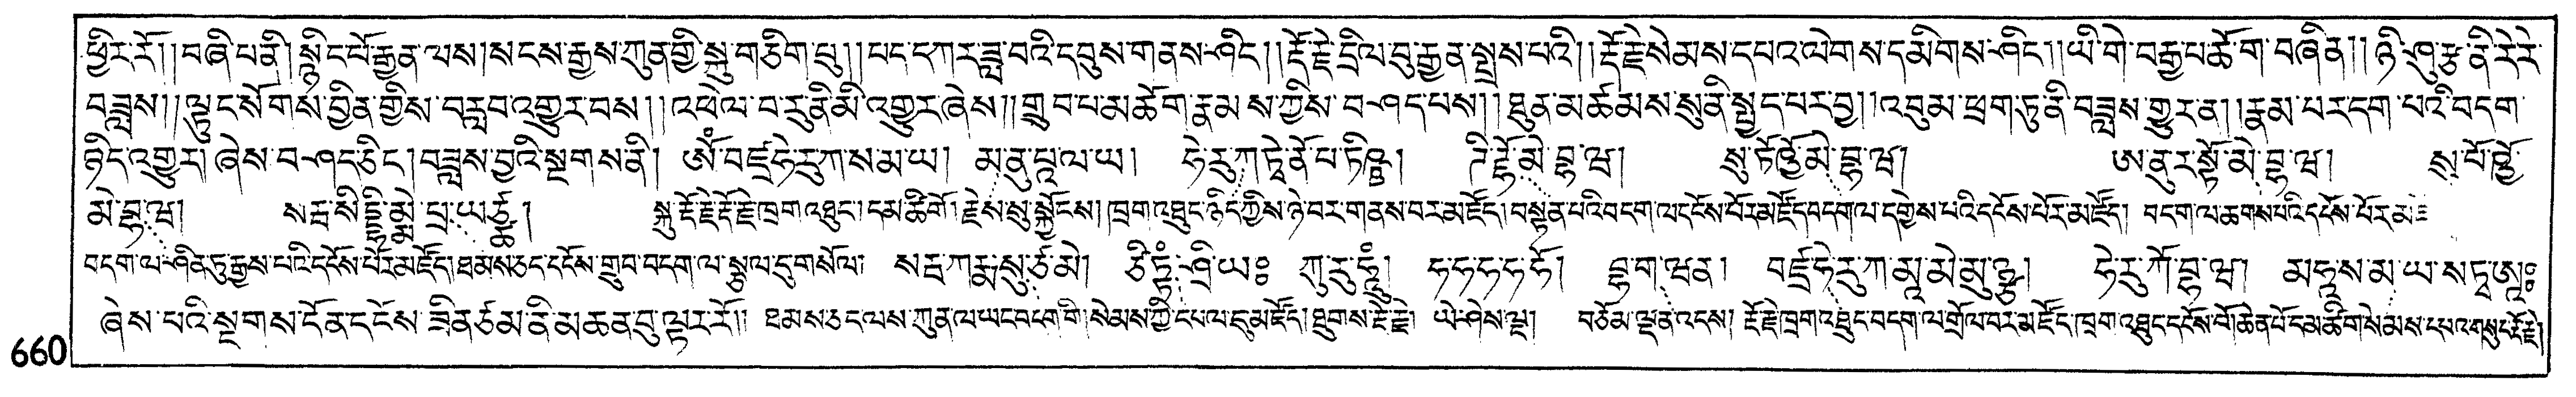ཕྱིར་རོ། །བཞི་པ་ནི། སྙིང་པོ་རྒྱན་ལས། སངས་རྒྱས་ཀུན་གྱི་སྐུ་གཅིག་པུ། །པད་དཀར་ཟླ་བའི་དབུས་གནས་ཤིང་། །རྡོ་རྗེ་དྲིལ་བུ་རྒྱན་སྤྲས་པའི། །རྡོ་རྗེ་སེམས་དཔའ་ལེགས་དམིགས་ཤིང་། །ཡི་གེ་བརྒྱ་པ་ཆོ་ག་བཞིན། །ཉི་ཤུ་རྩ་ནི་རེ་རེ་
བཟླས། །ལྟུང་སོགས་བྱིན་གྱིས་བརླབ་འགྱུར་བས། །འཕེལ་བ་རུ་ནི་མི་འགྱུར་ཞེས། །གྲུབ་པ་མཆོག་རྣམས་ཀྱིས་བཤད་པས། །ཐུན་མཚམས་སུ་ནི་སྤྱད་པར་བྱ། །འབུམ་ཕྲག་ཏུ་ནི་བཟླས་གྱུར་ན། །རྣམ་པར་དག་པའི་བདག་
ཉིད་འགྱུར། ཞེས་བཤད་ཅིང་། བཟླས་བྱའི་སྔགས་ནི། ཨོཾ་བཛྲ་དྷེ་རུ་ཀ་ས་མ་ཡ། མ་ནུ་པཱ་ལ་ཡ། ཧེ་རུ་ཀ་ཏྭེ་ནོ་པ་ཏིཥཊཿཨ། དྀ་ཌྷོ་མེ་བྷ་ཝ། སུ་ཏོ་ཥྱོ་མེ་བྷ་ཝ། ཨ་ནུ་ར་སྟོ་མེ་བྷ་ཝ། སུ་པོ་ཥྱོ་
མེ་བྷ་ཝ། སརྦ་སི་དྡྷི་མྨེ་པྲ་ཡཙྪ། སྐུ་རྡོ་རྗེ་རྡོ་རྗེ་ཁྲག་འཐུང་། དམ་ཚིག་གོ །རྗེས་སུ་སྐྱོངས། ཁྲག་འཐུང་ཉིད་ཀྱིས་ཉེ་བར་གནས་བར་མཛོད། བསྟན་པའི་བདག་ལ་དངོས་པོར་མཛོད་བདག་ལ་དགྱེས་པའི་དངོས་པོར་མཛོད། བདག་ལ་ཆགས་པའི་དངོས་པོར་མཛོད།
བདག་ལ་ཤིན་ཏུ་རྒྱས་པའི་དངོས་པོར་མཛོད། ཐམས་ཅད་དངོས་གྲུབ་བདག་ལ་སྩལ་དུ་གསོལ། སརྦ་ཀརྨ་སུ་ཙ་མེ། ཙིཏྟཾ་ཤྲི་ཡཿ ཀུ་རུ་ཧཱུཾ། ཧ་ཧ་ཧ་ཧ་ཧོ། བྷ་ག་ཝན། བཛྲ་ཧེ་རུ་ཀ་མཱ་མེ་མུ་ཉྩ། ཧེ་རུ་ཀོ་བྷ་ཝ། མཧཱ་ས་མ་ཡ་སཏྭ་ཨཱཿ
ཞེས་པའི་སྔགས་དོན་དངོས་ཟིན་ཙམ་ནི་མཚན་བུ་ལྟར་རོ།། ཐམས་ཅད་ལས་ཀུན་ལ་ཡང་བདག་གི །སེམས་ཀྱི་དཔལ་དུ་མཛོད། ཐུགས་རྡོ་རྗེ། ཡེ་ཤེས་ལྔ། བཅོམ་ལྡན་འདས། རྡོ་རྗེ་ཁྲག་འཐུང་བདག་ལ་གྲོལ་བར་མཛོད་ཁྲག་འཐུང་དངོས་པོ། ཆེན་པོ་དམ་ཚིག་སེམས་དཔའ་གསུང་རྡོ་རྗེ།